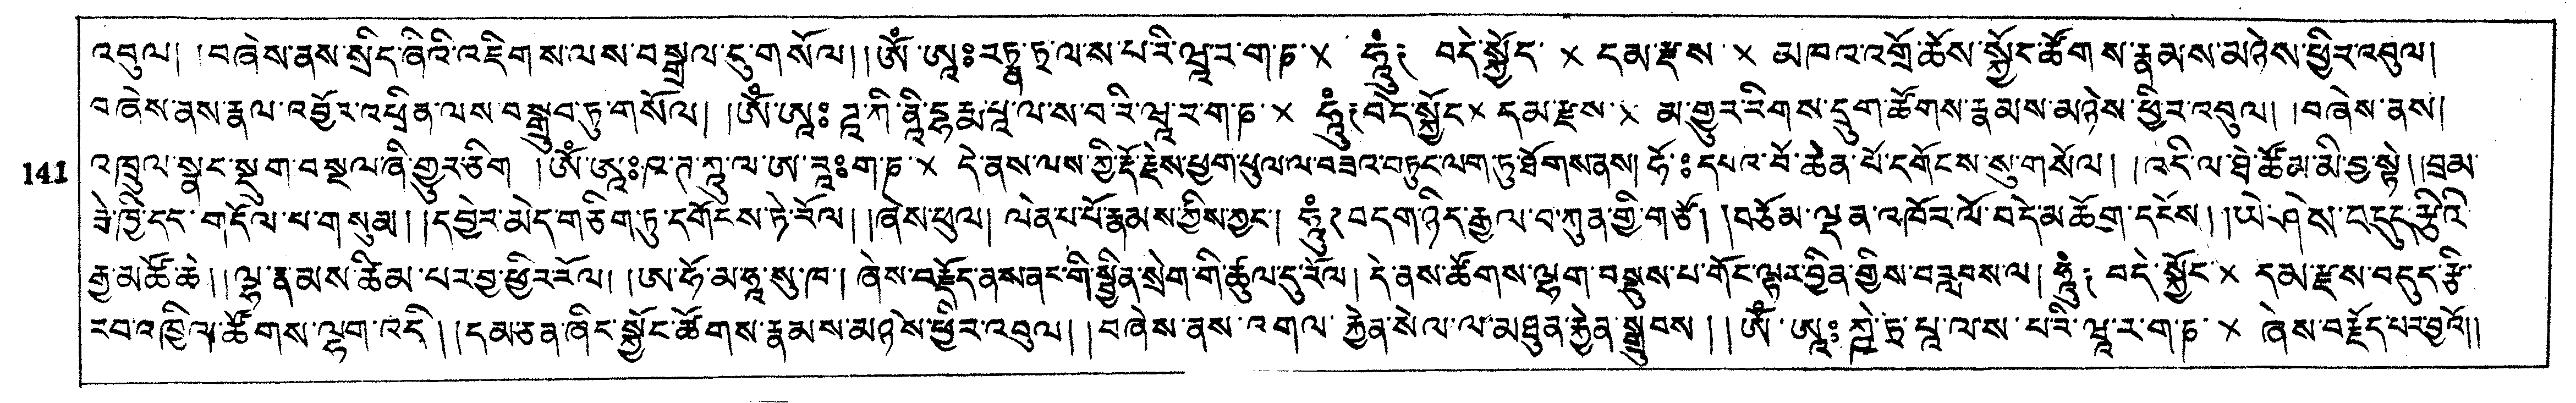འབུལ། །བཞེས་ནས་སྲིད་ཞིའི་འཇིགས་ལས་བསྒྲལ་དུ་གསོལ། །ཨོཾ་ཨཱཿརཏྣ་ཏྲ་ལ་ས་པ་རི་ཝཱ་ར་ག་ཎ྾་ཧཱུཾཿ བདེ་སྐྱོང྾་དམ་རྫས྾་མཁའ་འགྲོ་ཆོས་སྐྱོང་ཚོགས་རྣམས་མཉེས་ཕྱིར་འབུལ།
བཞེས་ནས་རྣལ་འབྱོར་འཕྲིན་ལས་བསྒྲུབ་ཏུ་གསོལ། །ཨོཾ་ཨཱཿ ཌཱ་ཀི་ནཱི་དྷརྨ་པཱ་ལ་ས་པ་རི་ཝཱ་ར་ག་ཎ྾་ཧཱུཾ༑ བདེ་སྐྱོང྾་དམ་རྫས྾་མ་གྱུར་རིགས་དྲུག་ཚོགས་རྣམས་མཉེས་ཕྱིར་འབུལ། །བཞེས་ནས།
འཁྲུལ་སྣང་སྡུག་བསྔལ་ཞི་གྱུར་ཅིག །ཨོཾ་ཨཱཿཥ་ཊ་ཀཱུ་ལ་ཨ་རཱཿ ག་ཎ྾་དེ་ནས་ལས་ཀྱི་རྡོ་རྗེས་ཕྱག་ཕུལ་ལ་བཟའ་བཏུང་ལག་ཏུ་ཐོགས་ནས། ཧོཿ དཔའ་བོ་ཆེན་པོ་དགོངས་སུ་གསོལ། །འདི་ལ་ཐེ་ཚོམ་མི་བྱ་སྟེ། །བྲམ་
ཟེ་ཁྱི་དང་གདོལ་པ་གསུམ། །དབྱེར་མེད་གཅིག་ཏུ་དགོངས་ཏེ་རོལ། །ཞེས་ཕུལ། ལེན་པ་པོ་རྣམས་ཀྱིས་ཀྱང་། ཧཱུཾ༑ བདག་ཉིད་རྒྱལ་བ་ཀུན་གྱི་གཙོ། །བཅོམ་ལྡན་འཁོར་ལོ་བདེ་མཆོག་དངོས། །ཡེ་ཤེས་བདུད་རྩིའི་
རྒྱ་མཚོ་ཆེ། །ལྷ་རྣམས་ཚིམ་པར་བྱ་ཕྱིར་རོལ། །ཨ་ཧོ་མ་ཧཱ་སུ་ཁ། ཞེས་བརྗོད་ནས་ནང་གི་སྦྱིན་སྲེག་གི་ཚུལ་དུ་རོལ། དེ་ནས་ཚོགས་ལྷག་བསྡུས་པ་གོང་ལྟར་བྱིན་གྱིས་བརླབས་ལ། ཧཱུཾ༑ བདེ་སྐྱོང྾་དམ་རྫས་བདུད་རྩི་
རབ་འཁྱིལ་ཚོགས་ལྷག་འདི། །དམ་ཅན་ཞིང་སྐྱོང་ཚོགས་རྣམས་མཉེས་ཕྱིར་འབུལ། །བཞེས་ནས་འགལ་རྐྱེན་སེལ་ལ་མཐུན་རྐྱེན་སྒྲུབས། །ཨོཾ་ཨཱཿ ཀྵེ་ཏྲ་པཱ་ལས་པ་རི་ཝཱ་ར་ག་ཎ྾་ཞེས་བརྗོད་པར་བྱའོ། །